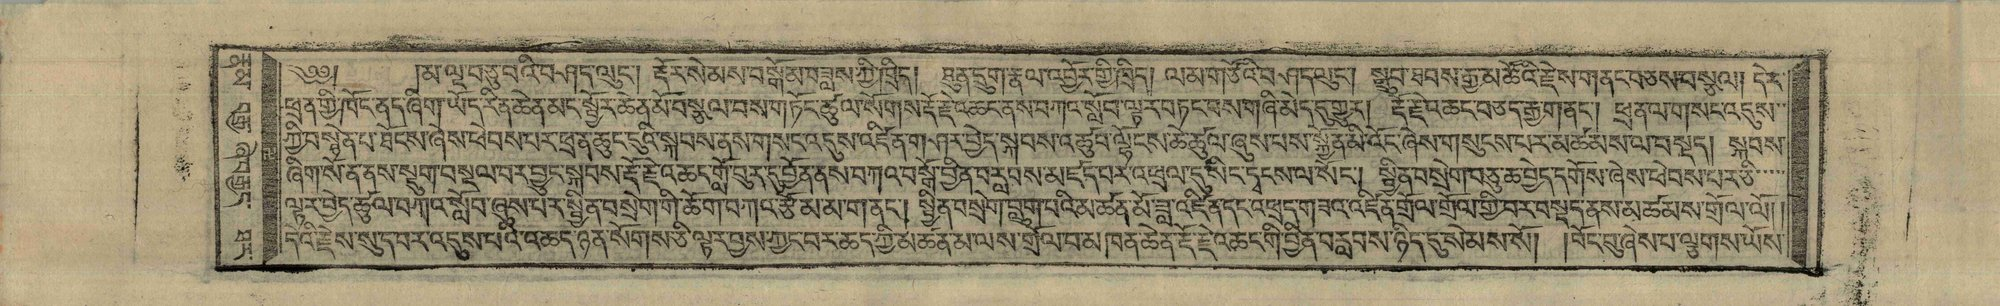༄༅། །མ་ལྔ་བཅུ་པའི་བཤད་ལུང་། རྡོར་སེམས་བསྒོམ་བཟླས་ཀྱི་ཁྲིད། ཐུན་དྲུག་རྣལ་འབྱོར་གྱི་ཁྲིད། ལམ་གཙོའི་བཤད་ལུང་། སྒྲུབ་ཐབས་རྒྱ་མཚོའི་རྗེས་གནང་བཅས་བསྩལ། དེར་
ཕྲན་གྱི་ཁོང་ནད་ཞིག་ཡོད་རིན་ཆེན་མང་སྦྱོར་ཆེན་མོ་བསྩལ་བས་གཏོང་ཚུལ་སོགས་རྡོ་རྗེ་འཆང་ནས་བཀའ་སློབ་ལྟར་བཏང་བས་གཞི་མེད་དུ་གྱུར། རྡོ་རྗེ་འཆང་བཅད་རྒྱ་ག་ནང་། ཕྲན་ལ་གསང་འདུས་
ཀྱི་བསྙེན་པ་ཐོངས་ཞེས་ཕེབས་པར་ཕྲན་ཆུང་ངུའི་སྐབས་ནས་གསང་འདུས་འཛིན་གཤར་བྱེད་སྐབས་འཚུབ་ལྷོངས་ཆེ་ཚུལ་ཞུས་པས་སྐྱོན་མི་འོང་ཞེས་གསུངས་པར་མཚམས་ལ་བསྡད། སྐབས་
ཞིག་སོ་ན་ནས་སྡུག་བསྔལ་བར་བྱུང་སྐབས་རྡོ་རྗེ་འཆང་གློ་བུར་དུ་བྱོན་ནས་བཀའ་བསྒོ་བྱིན་བརླབས་མཛད་པར་འཕྲལ་དུ་སིང་དྭངས་ལ་སོང་། སྦྱིན་བསྲེག་བཅུ་ཆ་བྱེད་དགོས་ཞེས་ཕེབས་པར་ཅི་
ལྟར་བྱེད་ཚུལ་བཀའ་སློབ་ཞུས་པར་སྦྱིན་བསྲེག་གི་ཆོ་ག་བཀའ་རྩོམ་མ་གནང་། སྦྱིན་བསྲེག་བླུག་པའི་མཚན་མོ་ཟླ་འཛིན་དང་འཕྲད་གཟའ་འཛིན་གྲོལ་གྲོལ་གྱི་བར་བསྡད་ནས་མཚམས་གྲོལ་ལོ། །
དེའི་རྗེས་སུ་ད་བར་འདུས་པའི་འཆད་ཉན་སོགས་ཅི་ལྟར་བྱས་ཀྱང་བར་ཆད་ཀྱི་མཚན་མ་ལས་གྲོལ་བ་མཁན་ཆེན་རྡོ་རྗེ་འཆང་གི་བྱིན་བརླབས་ཉིད་དུ་སེམས་སོ། །བོང་བུ་ཞེས་པ་ལྕགས་ཡོས་